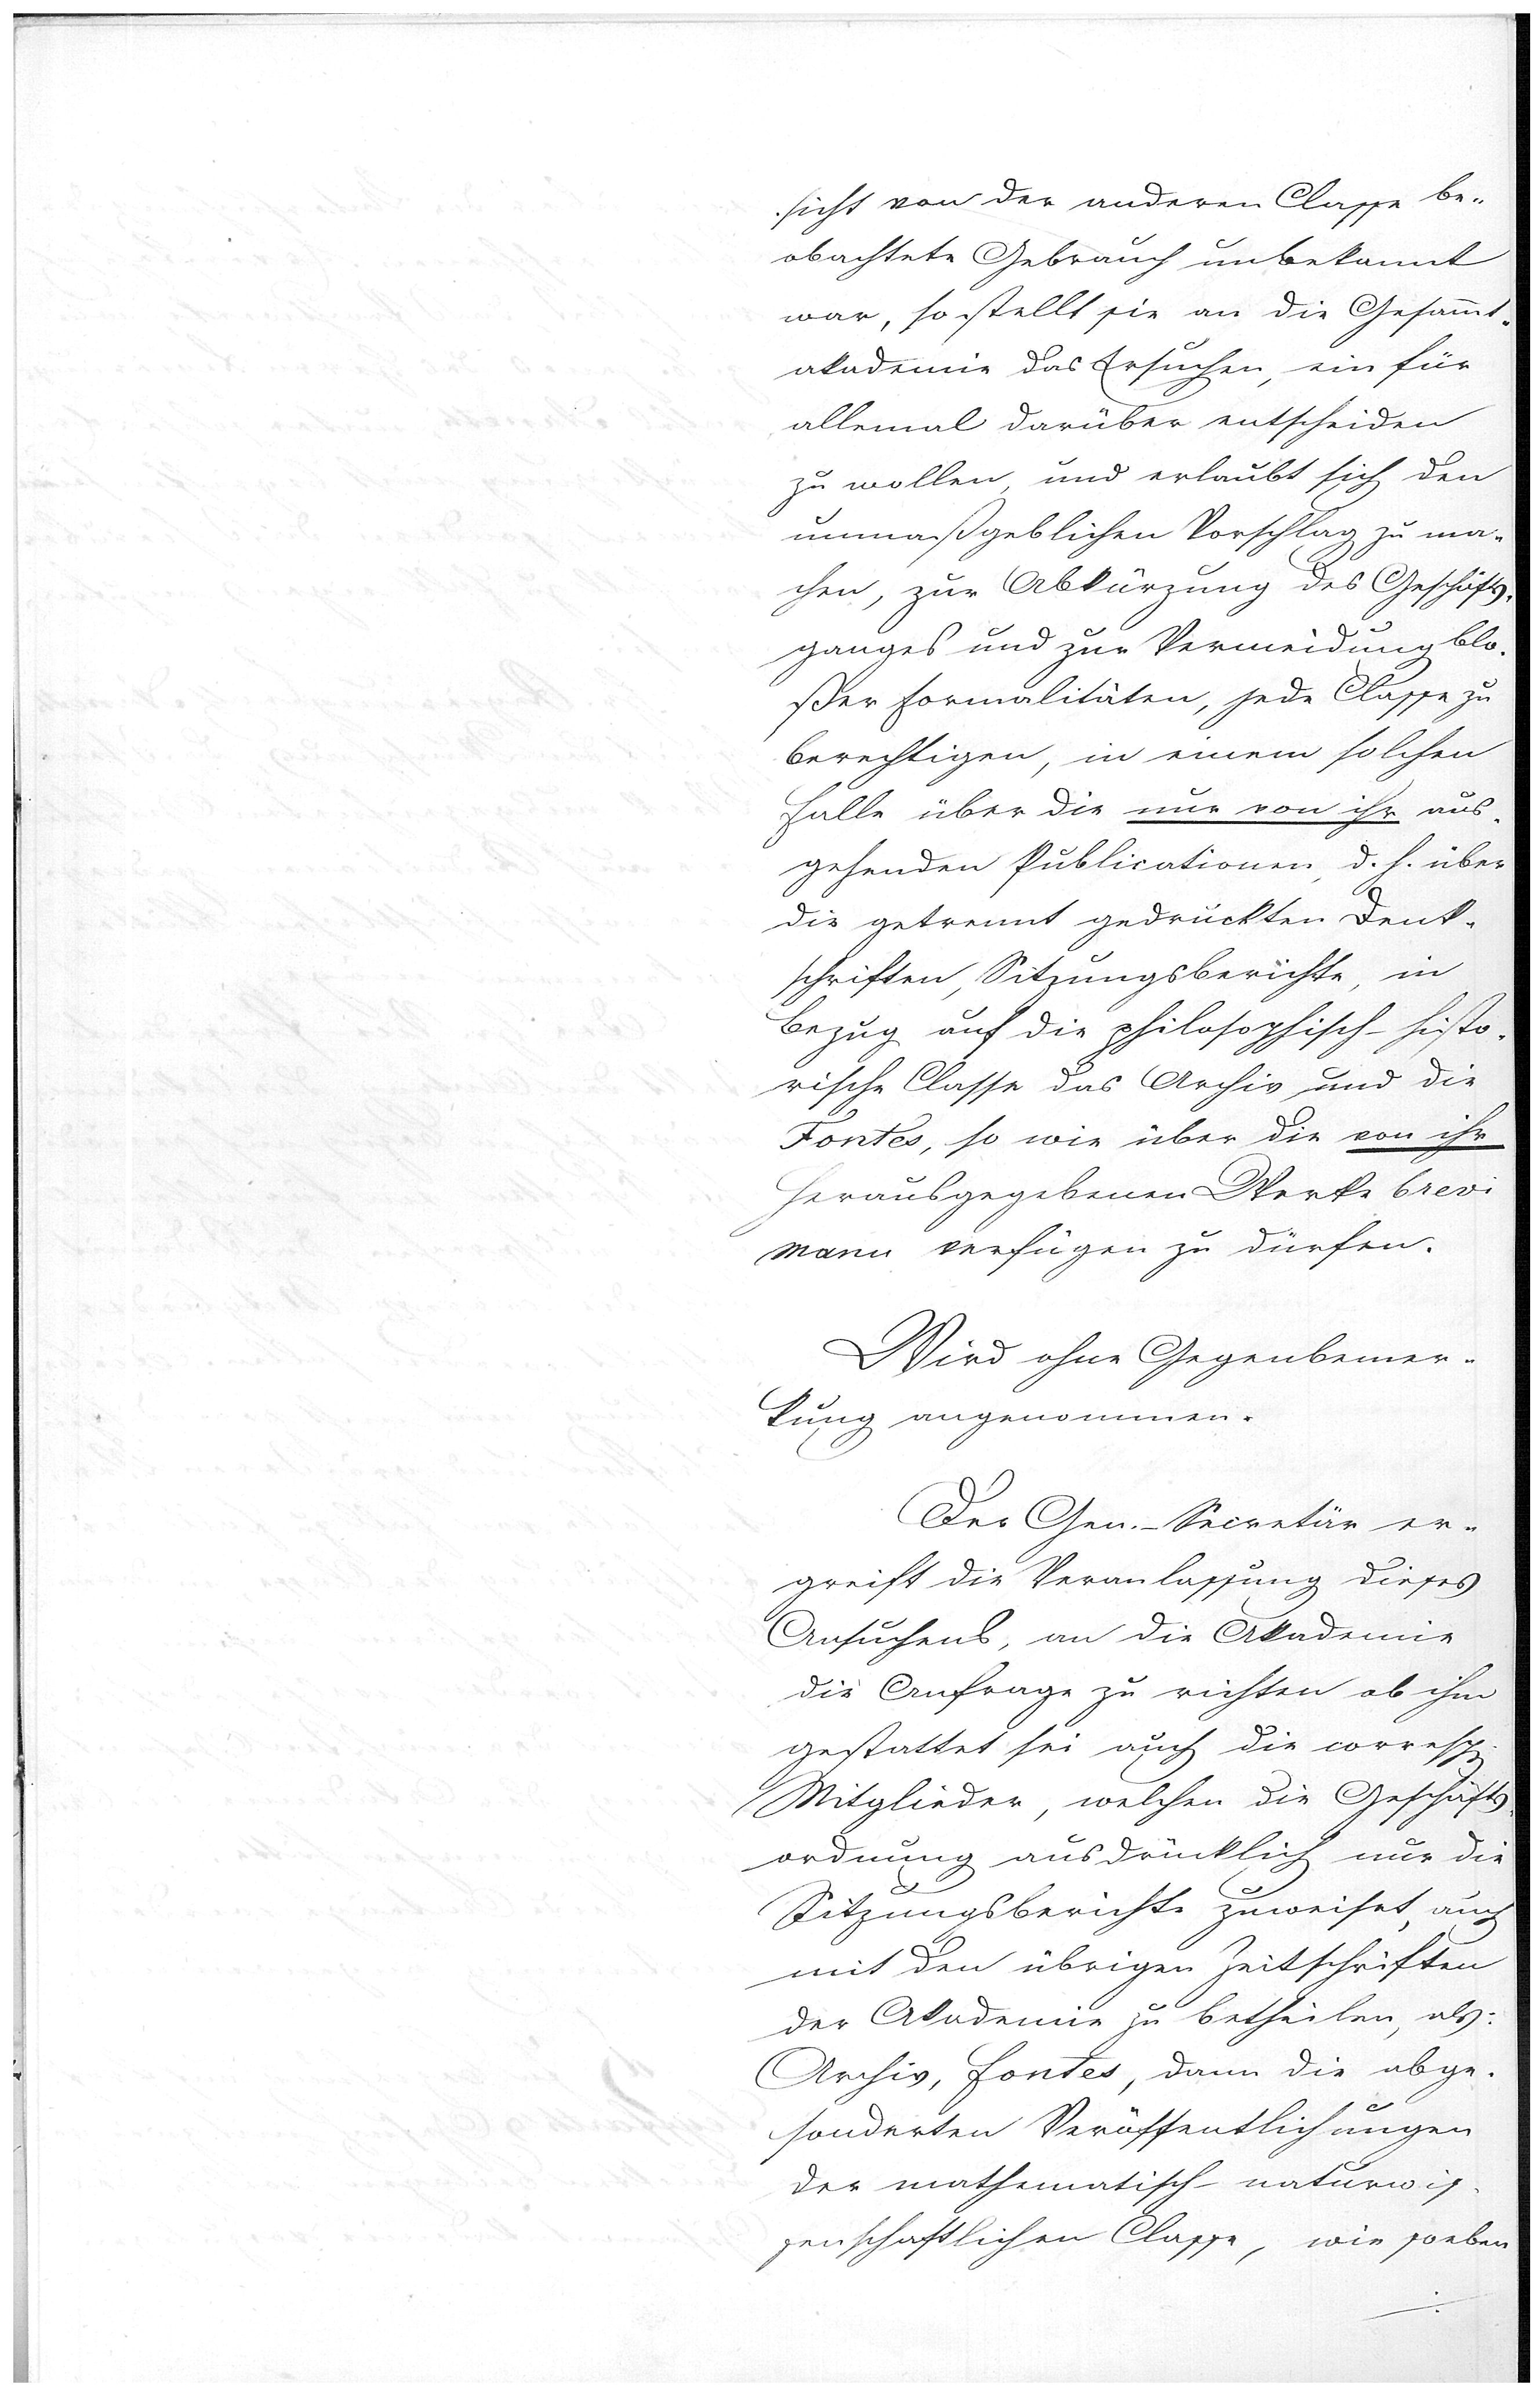sicht von der anderen Classe be-
obachtete Gebrauch unbekannt
war, so stellt sie an die Gesammt-
akademie das Ersuchen, ein für
allemal darüber entscheiden
zu wollen, und erlaubt sich den
unmaßgeblichen Vorschlag zu ma-
chen, zur Abkürzung des Geschäfts-
ganges und zur Vermeidung blo-
ßer Formalitäten, jede Classe zu
berechtigen, in einem solchen
Falle über die nur von ihr aus-
gehenden Publicationen, d.h. über
die getrennt gedruckten Denk-
schriften, Sitzungsberichte, in
Bezug auf die philosophisch-histo-
rische Classe das Archiv und die
Fontes, so wie über die von ihr
herausgegebenen Werke brevi
manu verfügen zu dürfen.
Wird ohne Gegenbemer-
kung angenommen.
Der Gen.-Secretär er-
greift die Veranlassung dieses
Ansuchens, an die Akademie
die Anfrage zu richten ob ihm
gestattet sei auch die correspon.
Mitglieder, welchen die Geschäfts-
ordnung ausdrücklich nur die
Sitzungsberichte zuweiset, auch
mit den übrigen Zeitschriften
der Akademie zu betheilen, als
Archiv, Fontes, dann die abge-
sonderten Veröffentlichungen
der mathematisch-naturwis-
senschaftlichen Classe, wie soeben